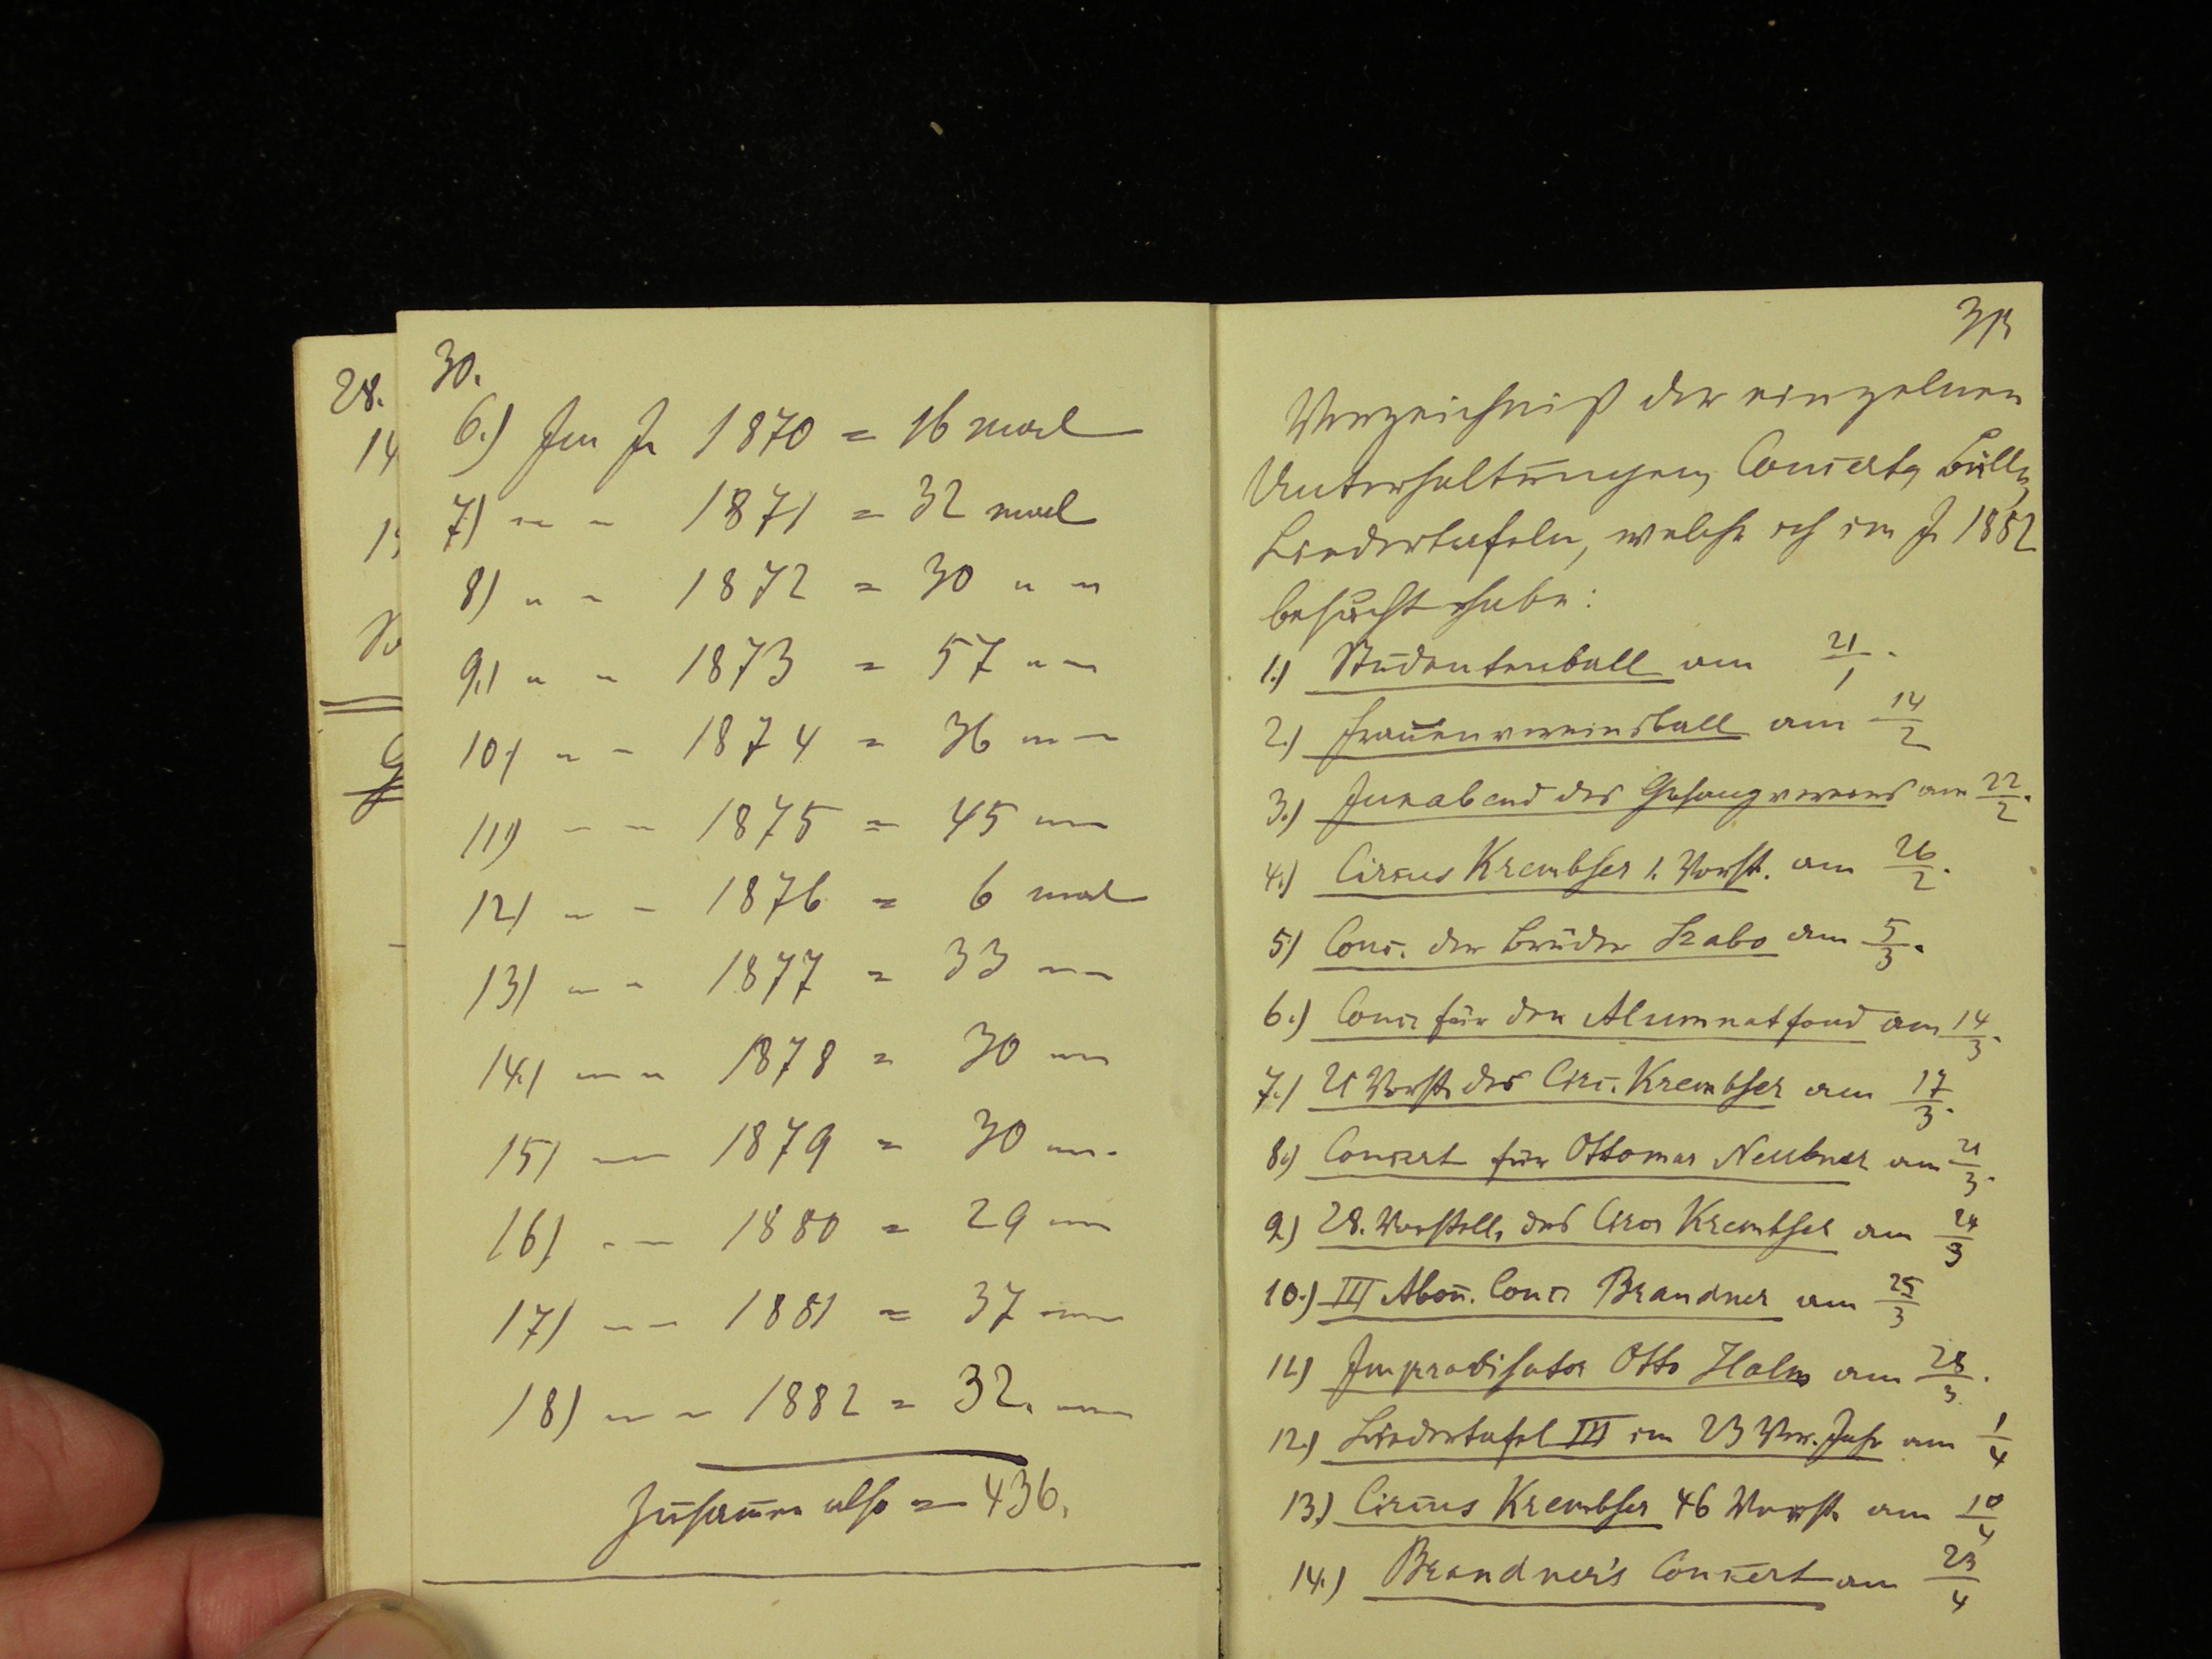30
6) Im Jahr 1870 = 16 mal
7) * 1871 = 32 mal
8) * 1872 = 30 mal
9) * 1873 = 57 mal
10) * 1874 = 36 mal
11) * 1875 = 45 mal
12) * 1876 = 6 mal
13) * 1877 = 33 mal
14) * 1878 = 30 mal
15) * 1879 = 30 mal
16) * 1880 = 29 mal
17) * 1881 = 37 mal
18) * 1882 = 32 mal
Zusammen also = 436
31
Verzeichniß der einzelnen
Unterhaltungen, Concerte, Bälle,
Liederabende welche ich im Jahre 1882
besucht habe:
1.) Studentenball am 21/1
2.) Frauenvereinsball am 14/2
3.) Juraabend des Gesangvereins am 22/2
4.) Circus Krembses 1. Vorst. am 26/2
5.) Conc. Der Brüder Szabo am 5/3
6) Conc. Für den Alumnatfond am 14/3
7.) 25. Vorst. des Circ. Krembses am 17/3
8.) Concert für Ottoma Neubau am 21/3
9.) 28. Vorst. des Circus Krembses am 24/3
10.) III Abon. Conc. Brandner am 25/3
11.) Improvisator Otto Holm am 28/3
12.) Liedertafel III 23. Vorst. Jahr am 1/4
13.) Circus Krembses 46. Vorst. am 10/4
14.) Brandners Concert am 23/4